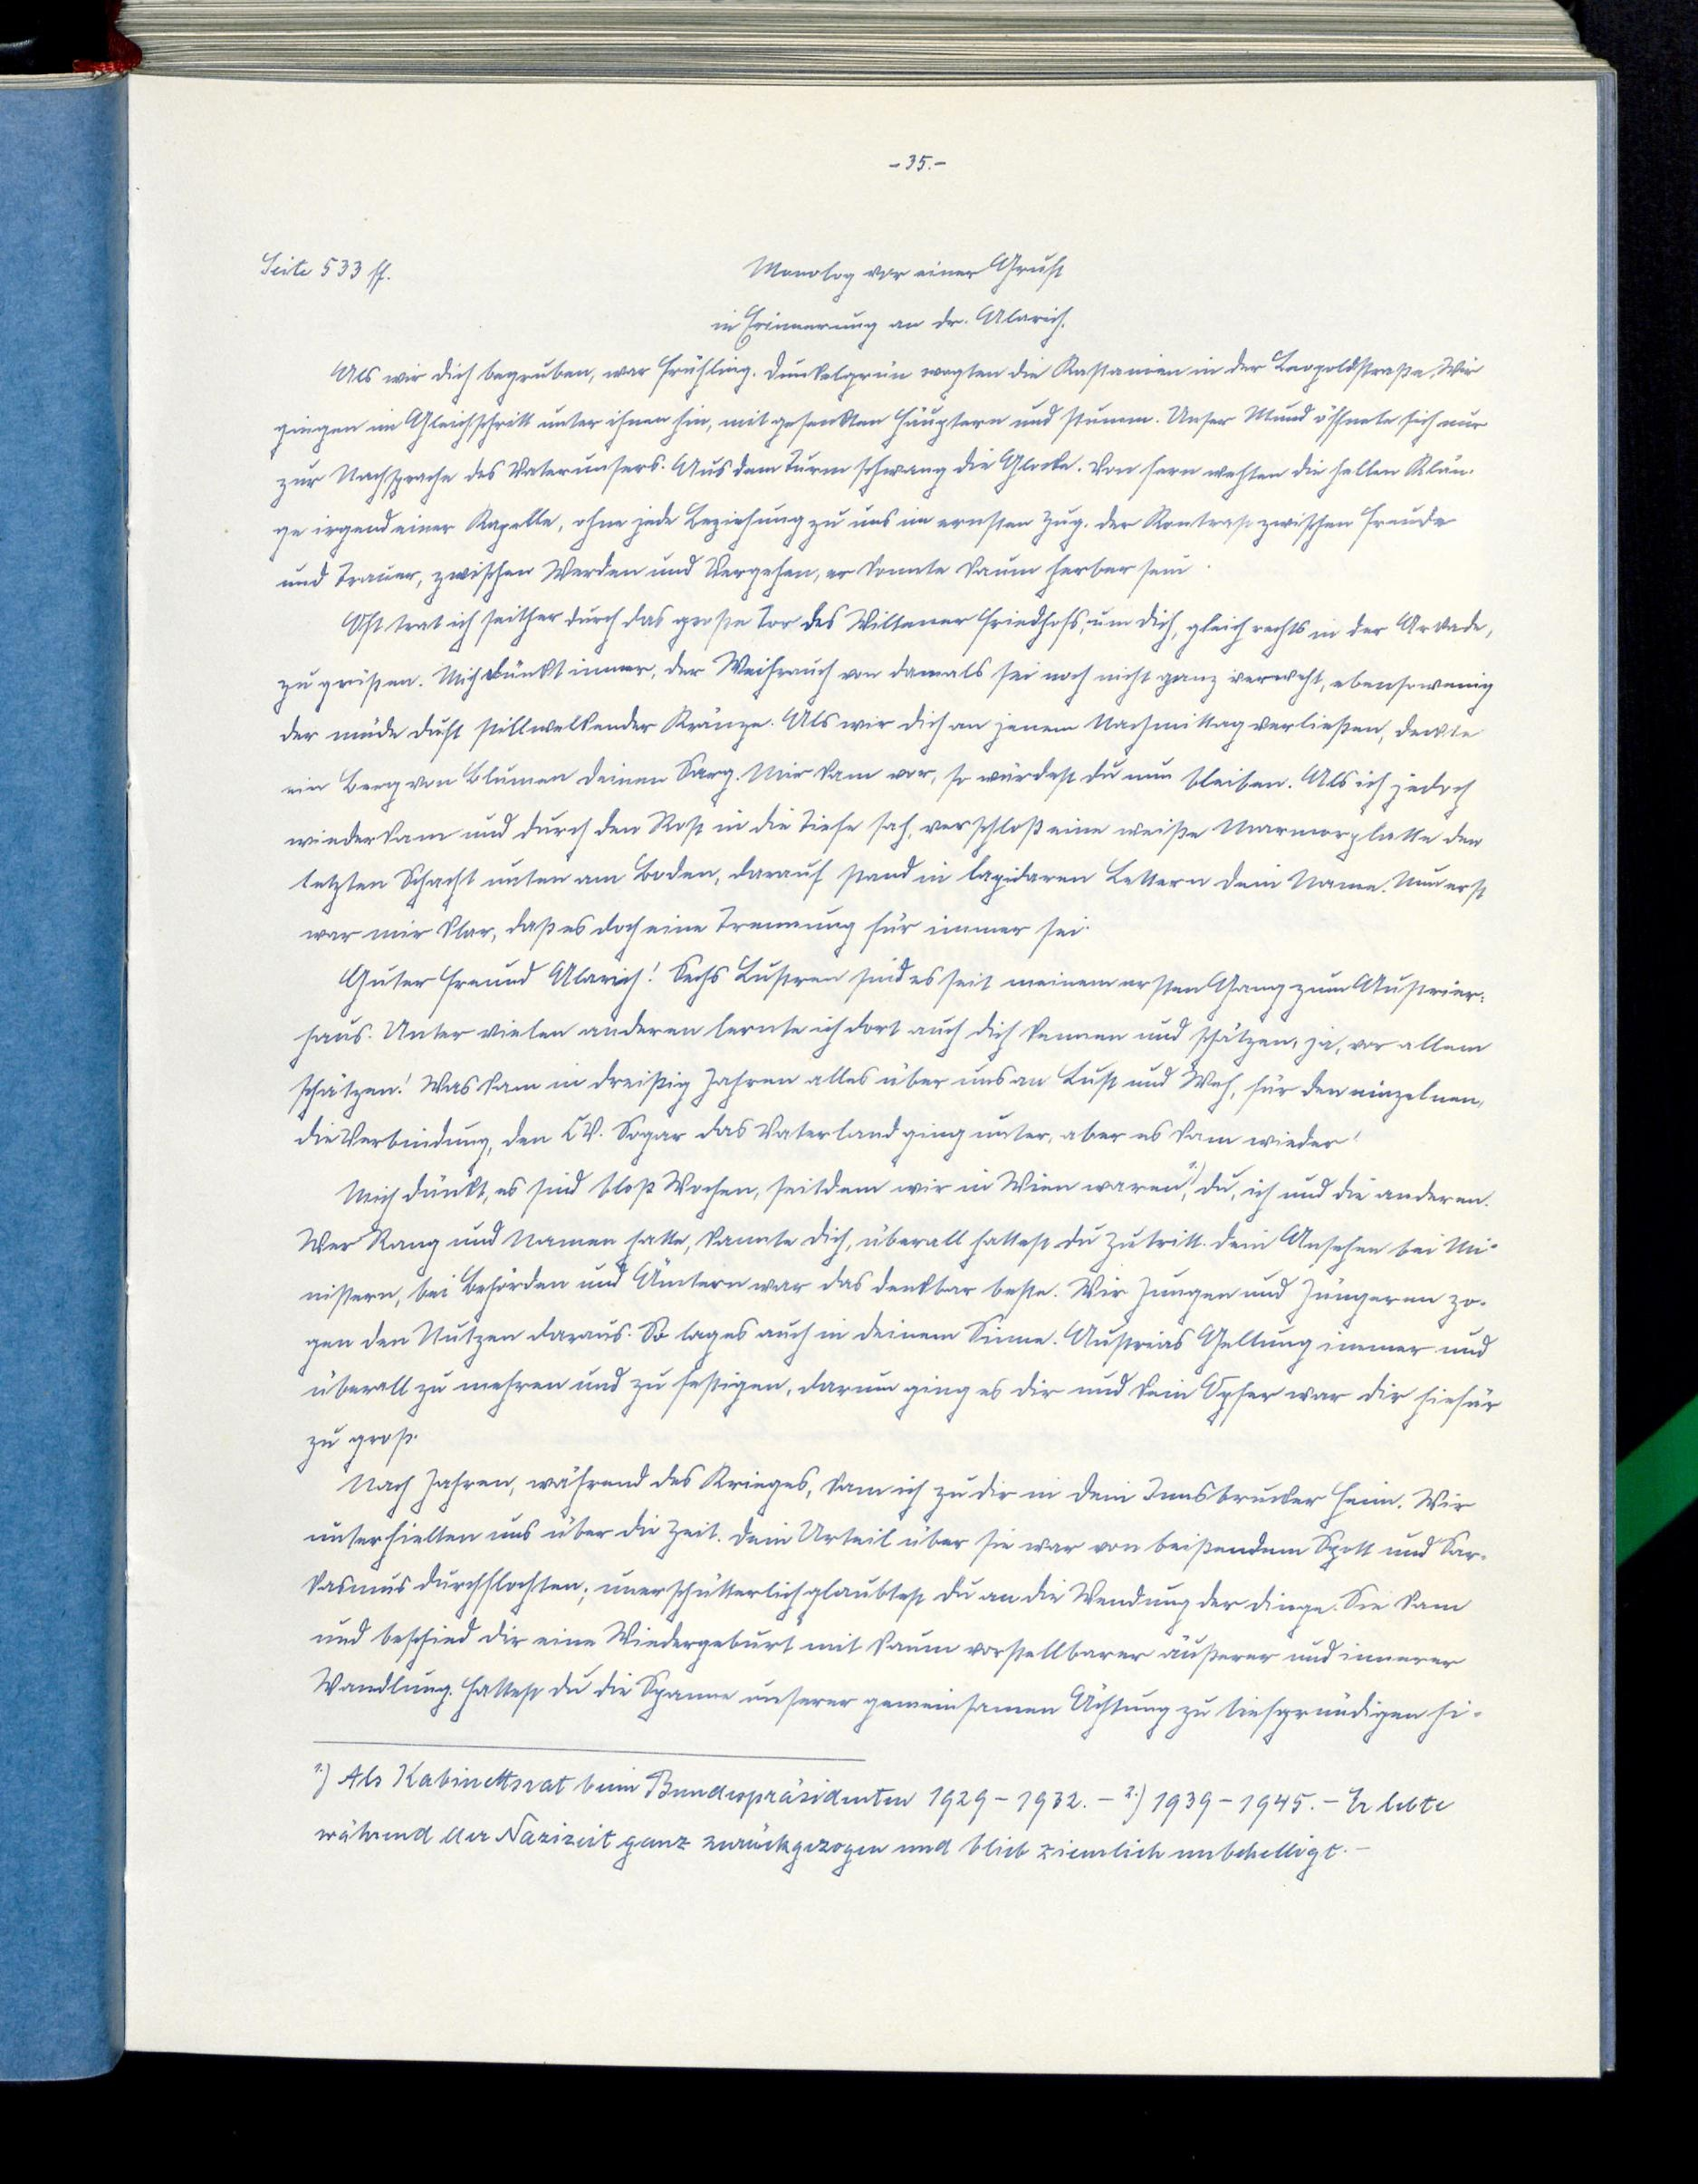35
S. 533 ff.
Monolog vor einer Gruft
in Erinnerung an Dr. Alarich
Als wird dich begruben, war Frühling. Dunkelgrün wogten die Kastanien in der Leopoldstraße. Wir
gingen im Gleichschritt unter ihnen hin, mit gestreckten Häuptern und stumm. Unser Mund öffnete sich nur
zur Nachsprache des Vaterunsers. Aus dem Turm schwang die Glocke. Von fern wehten die hellen Klän-
ge irgendeiner Kapelle, ohne jede Beziehung zu uns im ernsten Zug. Der Kontrast zwischen Freude
und Trauer, zwischen Werden und Vergehen, er konnte härter sein.
Oft trat ich seither durch das große Tor des Wiltener Friedhofs, um dich, gleich rechts in der Arkade,
zu grüßen. Mich dünkt immer, der Weihrauch von damals sei noch nicht ganz verweht, ebensowenig
der milde Duft stillwelkender Kränze. Als wir dich an jenem Nachmittag verließen, deckte
dein Berg von Blumen deinen Sarg. Mir kam vor, so würdest du bleiben. Als ich jedoch
wiederkam und durch den Rost in die Tiefe sah, verschloß eine weiße Marmorplatte den
letzten Schacht unten den am Boden. Darauf stand in lapidaren Lettern dein Name. Nun erst
war mir klar, daß es doch eine Trennung für immer sei.
Guter Freund Alarich! Sechs Lustren sind es seit meinem ersten Gang zum Austrier-
haus. Unter vielen anderen lernte ich dort auch dich kennen und schätzen, ja, vor allem
schätzen! Was kam in dreißig Jahren alles über uns an Lust und Weh, für den einzelnen,
die Verbindung, den CV. Sogar das Vaterland ging unter, aber es kann wieder!
Mich dünkt, es sind bloß Wochen, seit dem wir in Wien waren, 1) du, ich und die anderen.
Wer Rang und Namen hatte, kannte dich, überall hattest zu Zutritt. Dein Ansehen bei Mi-
ninstern, bei Behörden und Ämtern war das denkbar beste. Wir Jungen und jüngeren zo-
gen den Nutzen daraus. So lag es auch in deinem Sinne. Austrias Geltung immer und
überall zu mehren und zu festigen, darum ging es dir und kein Opfer war dir hiefür
zu groß.
Nach Jahren, während des Krieges, kam ich zu dir in dem Innsbrucker Heim. Wir
unterhielten uns über die Zeit, dein Urteil über sie war von beißenden Sport und Sar-
kasmus durchflossen; unerschütterlich glaubtest du an die Wandlung Wendung der Dinge. Sie kam
und beschied dir eine Wiedergeburt mit kaum vorstellbarer äußerer und innerer
Wandlung. Hattest Du die Spanne unserer gemeinsamen Achtung zu tiefgründigen hi-
1) Als Kabinettsrat beim Bundespräsidenten 1929-1932.- 2) 1939-1945. Er lebte
während der Nazizeit ganz zurückgezogen und blieb ziemlich unbehelligt.